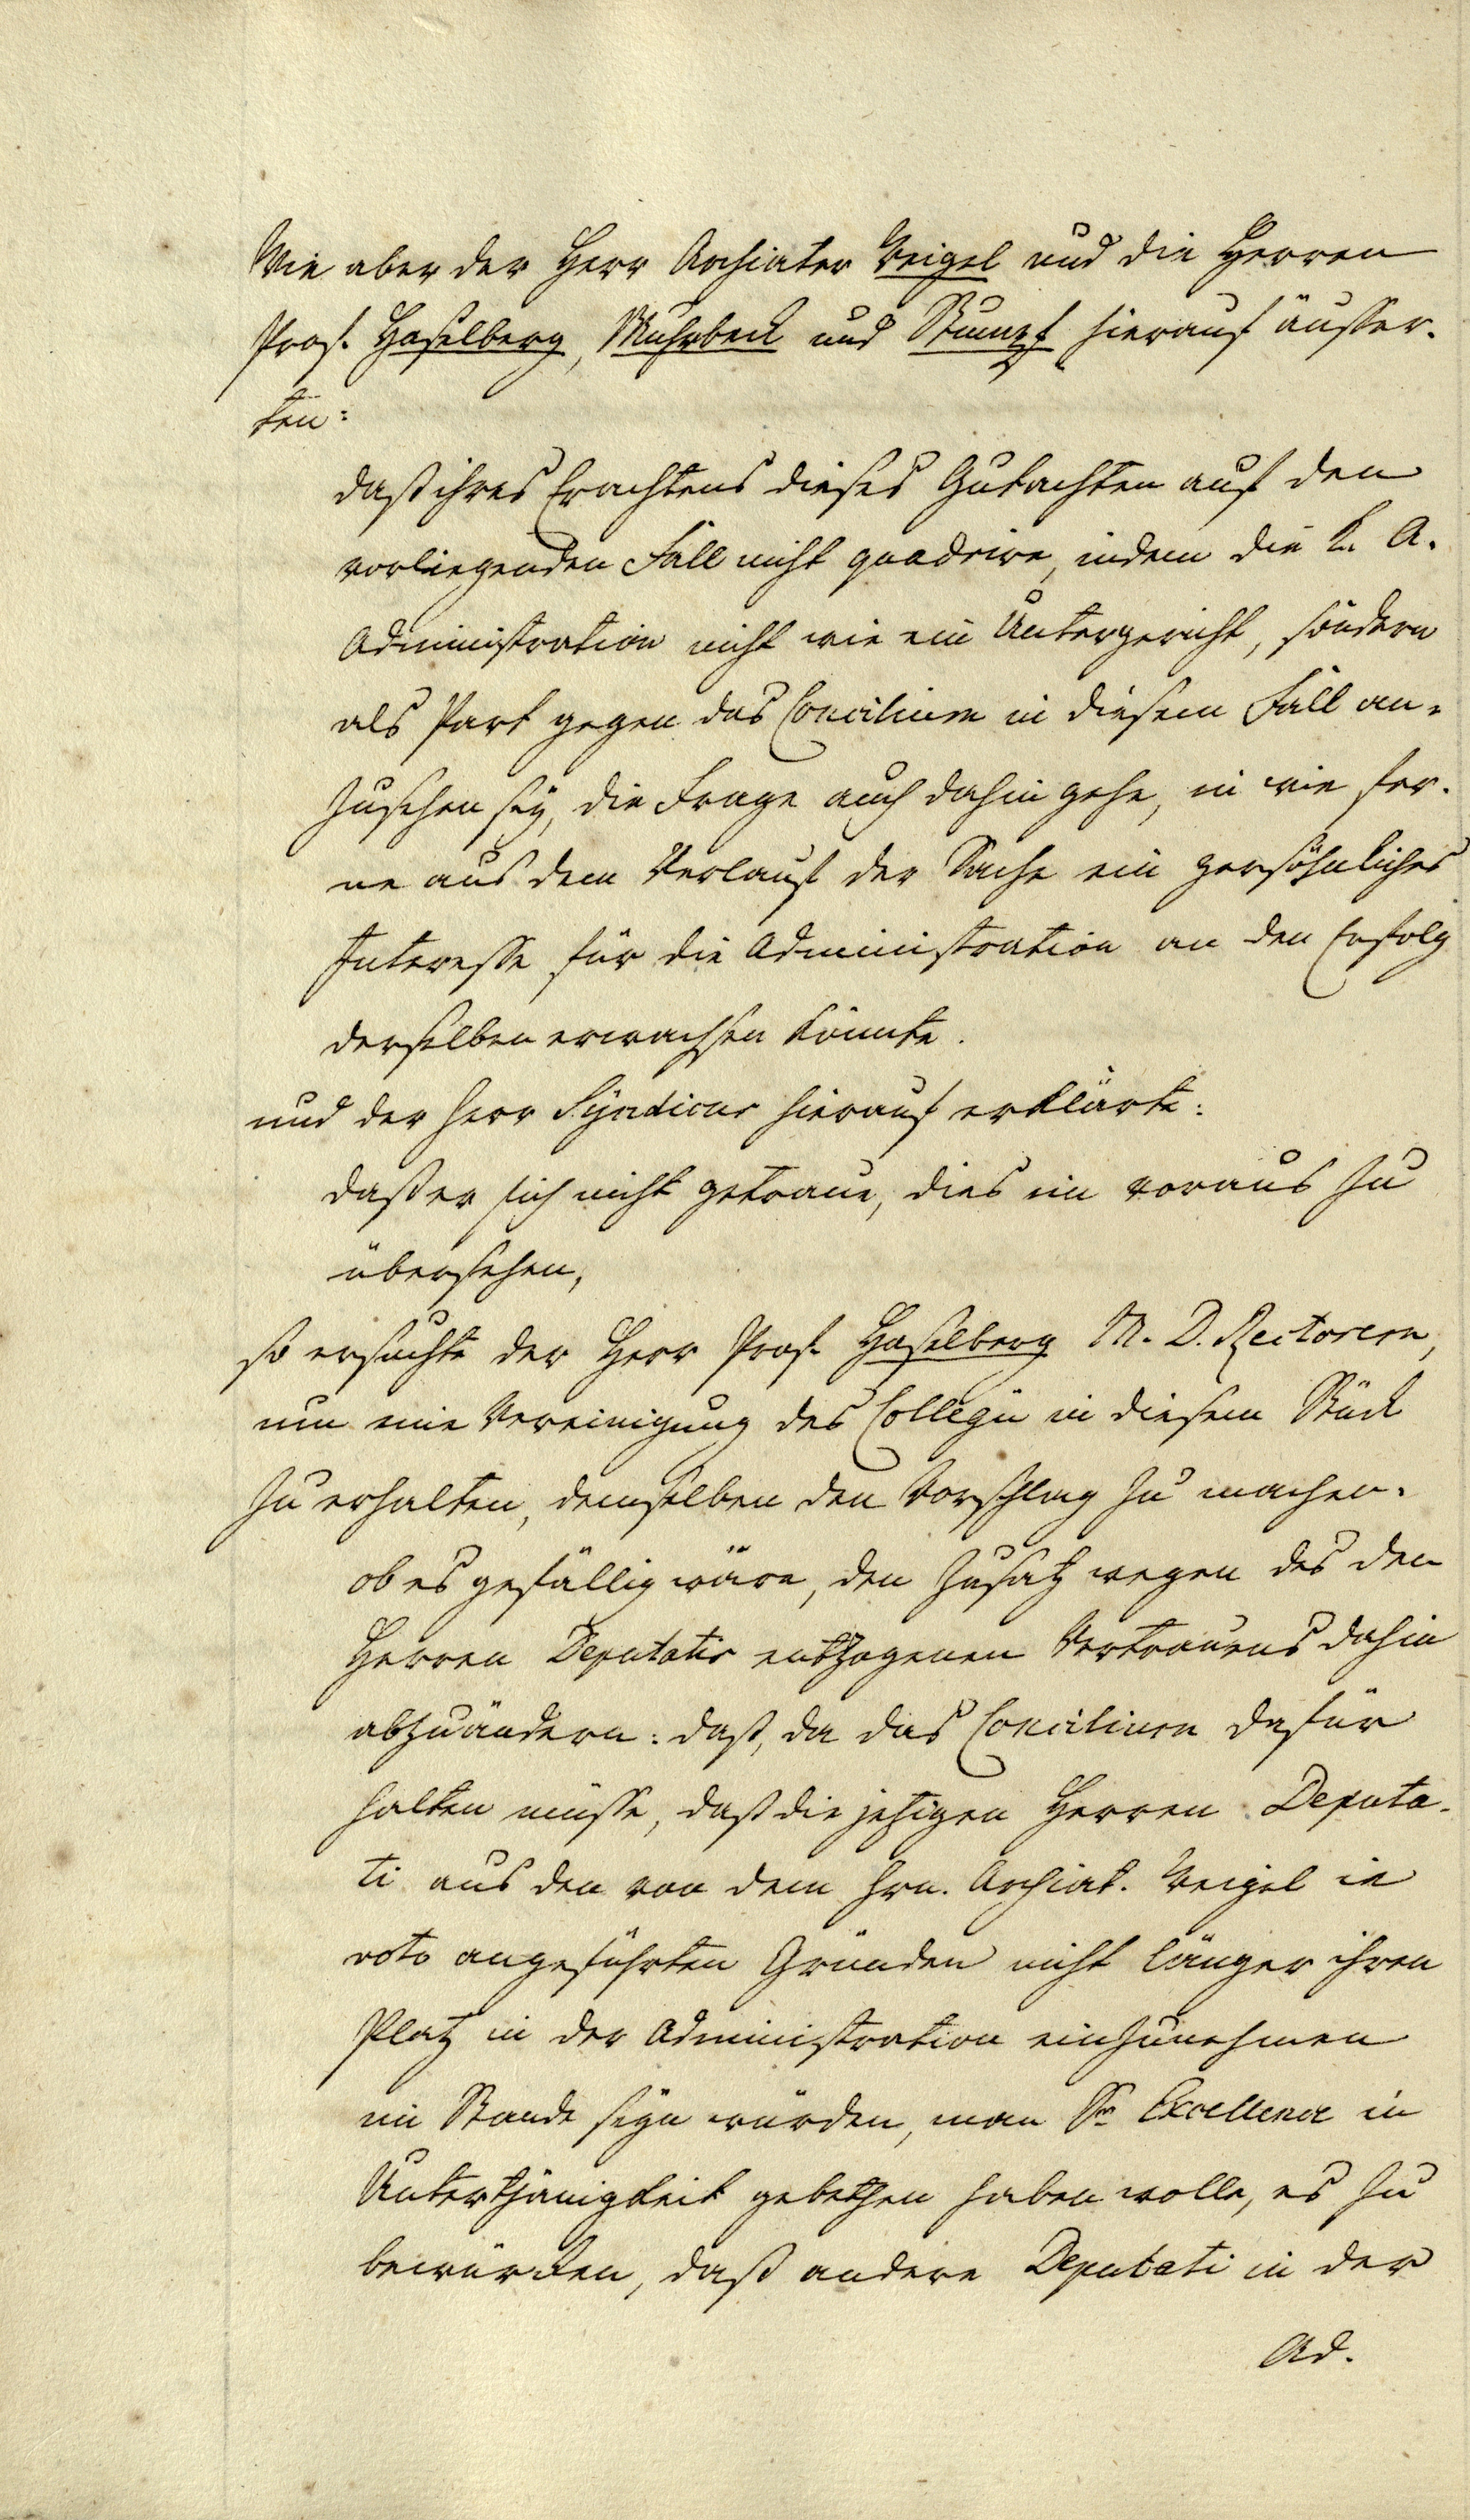Wie aber der Herr Archiater Weigel und die Herren
Prof. Haselberg, Muhrbeck und Stumpf hierauf äusser¬
ten:
daß ihres Erachtens dieses Gutachten auf den
vorliegenden Fall nicht quadrire, indem die K. A.
Administration nicht wie ein Untergericht, sondern
als Part gegen das Concilium in diesem Fall an¬
zusehen seÿ, die Frage auch dahin gehe, in wie fer¬
ne aus dem Verlauf der Sache ein persöhnliches
Interesse für die Administration an den Erfolg
derselben erwachsen könnte.
und der Herr Sÿndicus hierauf erklärte:
daß er sich nicht getraue, dies im voraus zu
übersehen,
so ersuchte der Herr Prof. Haselberg M. D. Rectorem,
um eine Vereinigung des Collegii in diesem Stück
zu erhalten, demselben den Vorschlag zu machen:
ob es gefällig wäre, den Zusatz wegen des den
Herren Deputatis entzogenen Vertrauens dahin
abzuändern: daß, da das Concilium dafür
halten müsse, daß die jetzigen Herren Deputa¬
ti aus den von dem Hr. Archiat. Weigel in
voto angeführten Gründen nicht länger ihren
Platz in der Administration einzunehmen
in Stande seÿn würden, man Sr Excellence in
Unterthänigkeit gebethen haben wolle, es zu
bewürcken, daß andere Deputati in der
Ad